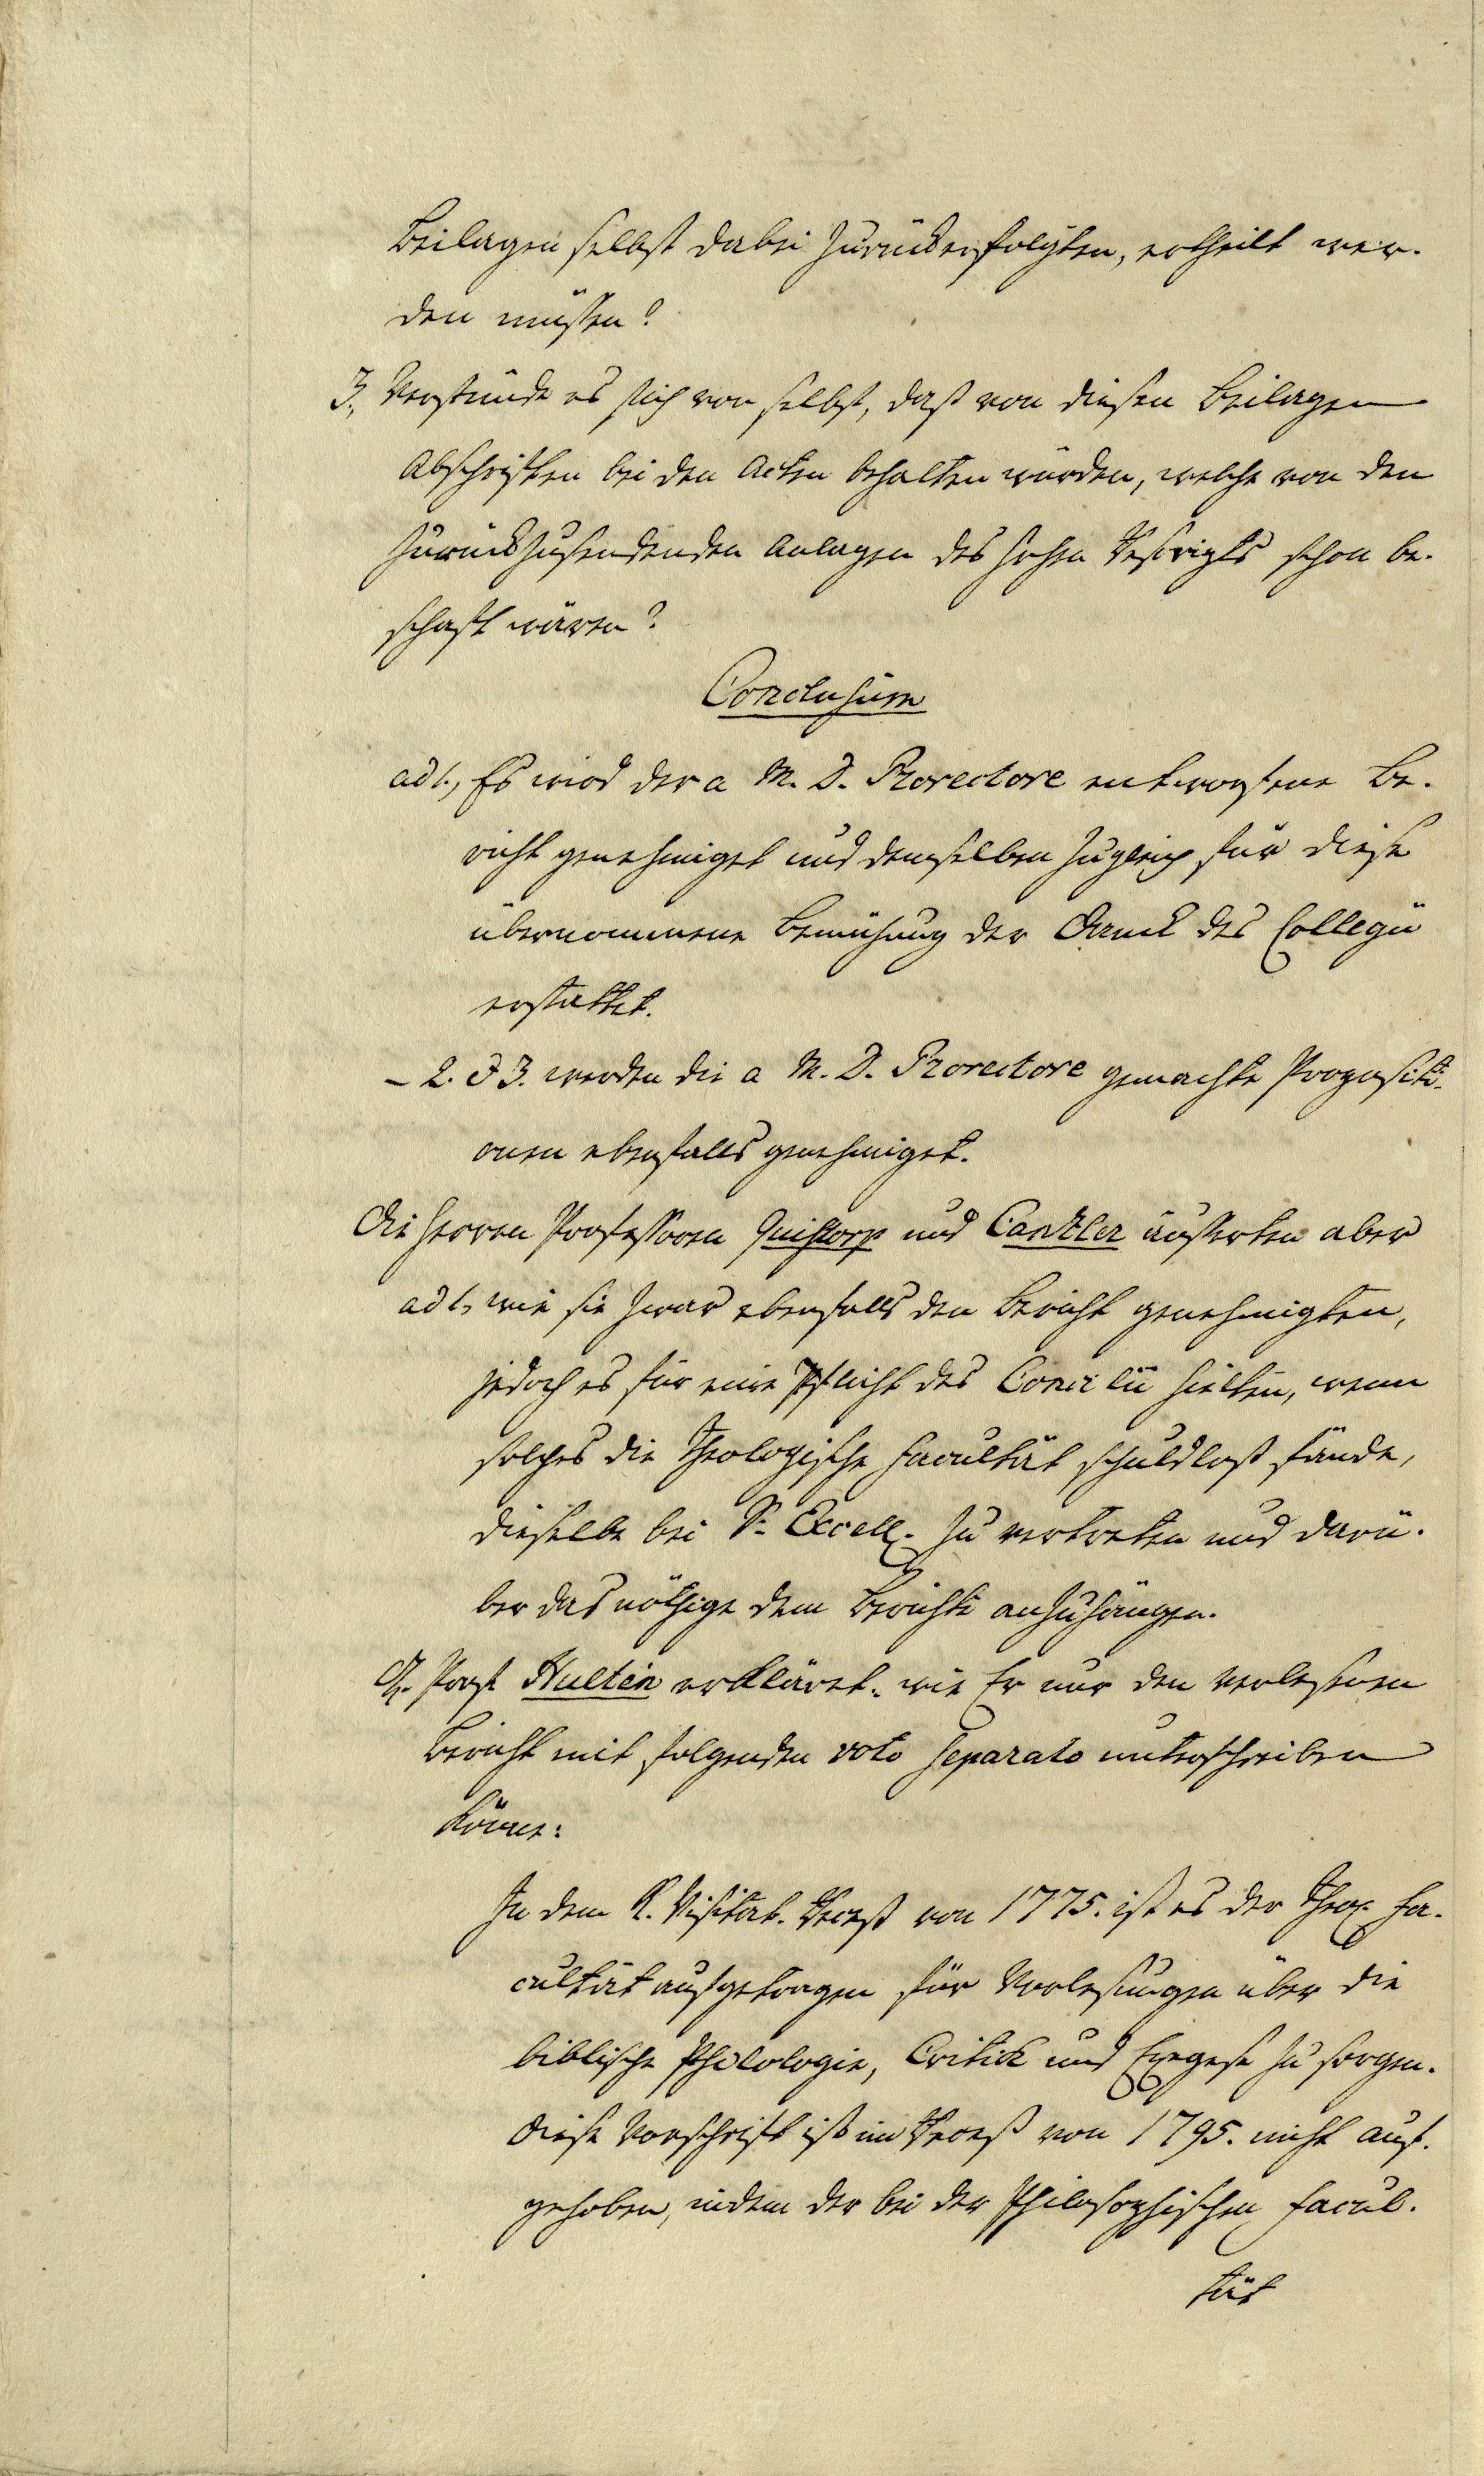Beilagen selbst dabei zurückerfolgten, ertheilt wer¬
den müssen?
3, Verstünde es sich von selbst, daß von diesen Beilagen
Abschriften bei den Acten behalten würden, welche von den
zurückzusendenden Anlagen des hohen Rescripts schon be¬
schaft wären?
Conclusum
ad 1., Es wird der a M. D. Prorectore entworfene Be¬
richt genehmiget und demselben zugleich für diese
übernommene Bemühung der Danck des Collegii
erstattet.
2. et 3. werden die a M. D. Prorectore gemachte Propositi¬
onen ebenfalls genehmiget.
Die Herren Professoren Quistorp und Canzler äusserten aber
ad 1, wie sie zwar ebenfalls den Bericht genehmigten,
jedoch es für eine Pflicht des Concilii hielten, wenn
solches die Theologische Facultät schuldloß fände,
dieselbe bei Sr. Excel. zu vertreten und darü¬
ber das nöthige dem Berichte anzuhängen.
dh. Prof. Hultén erkläret: wie Er nur den verlesenen
Bericht mit folgenden voto separato unterschreiben
könne:
In dem K. Visitat. Receß von 1775. ist es der theol. Fa¬
cultät aufgetragen für Vorlesungen über die
biblische Philologie, Critik und Exegese zu sorgen.
Diese Vorschrift ist im Receß von 1795. nicht auf¬
gehoben, indem der bei der Philosophischen Facul¬
tät